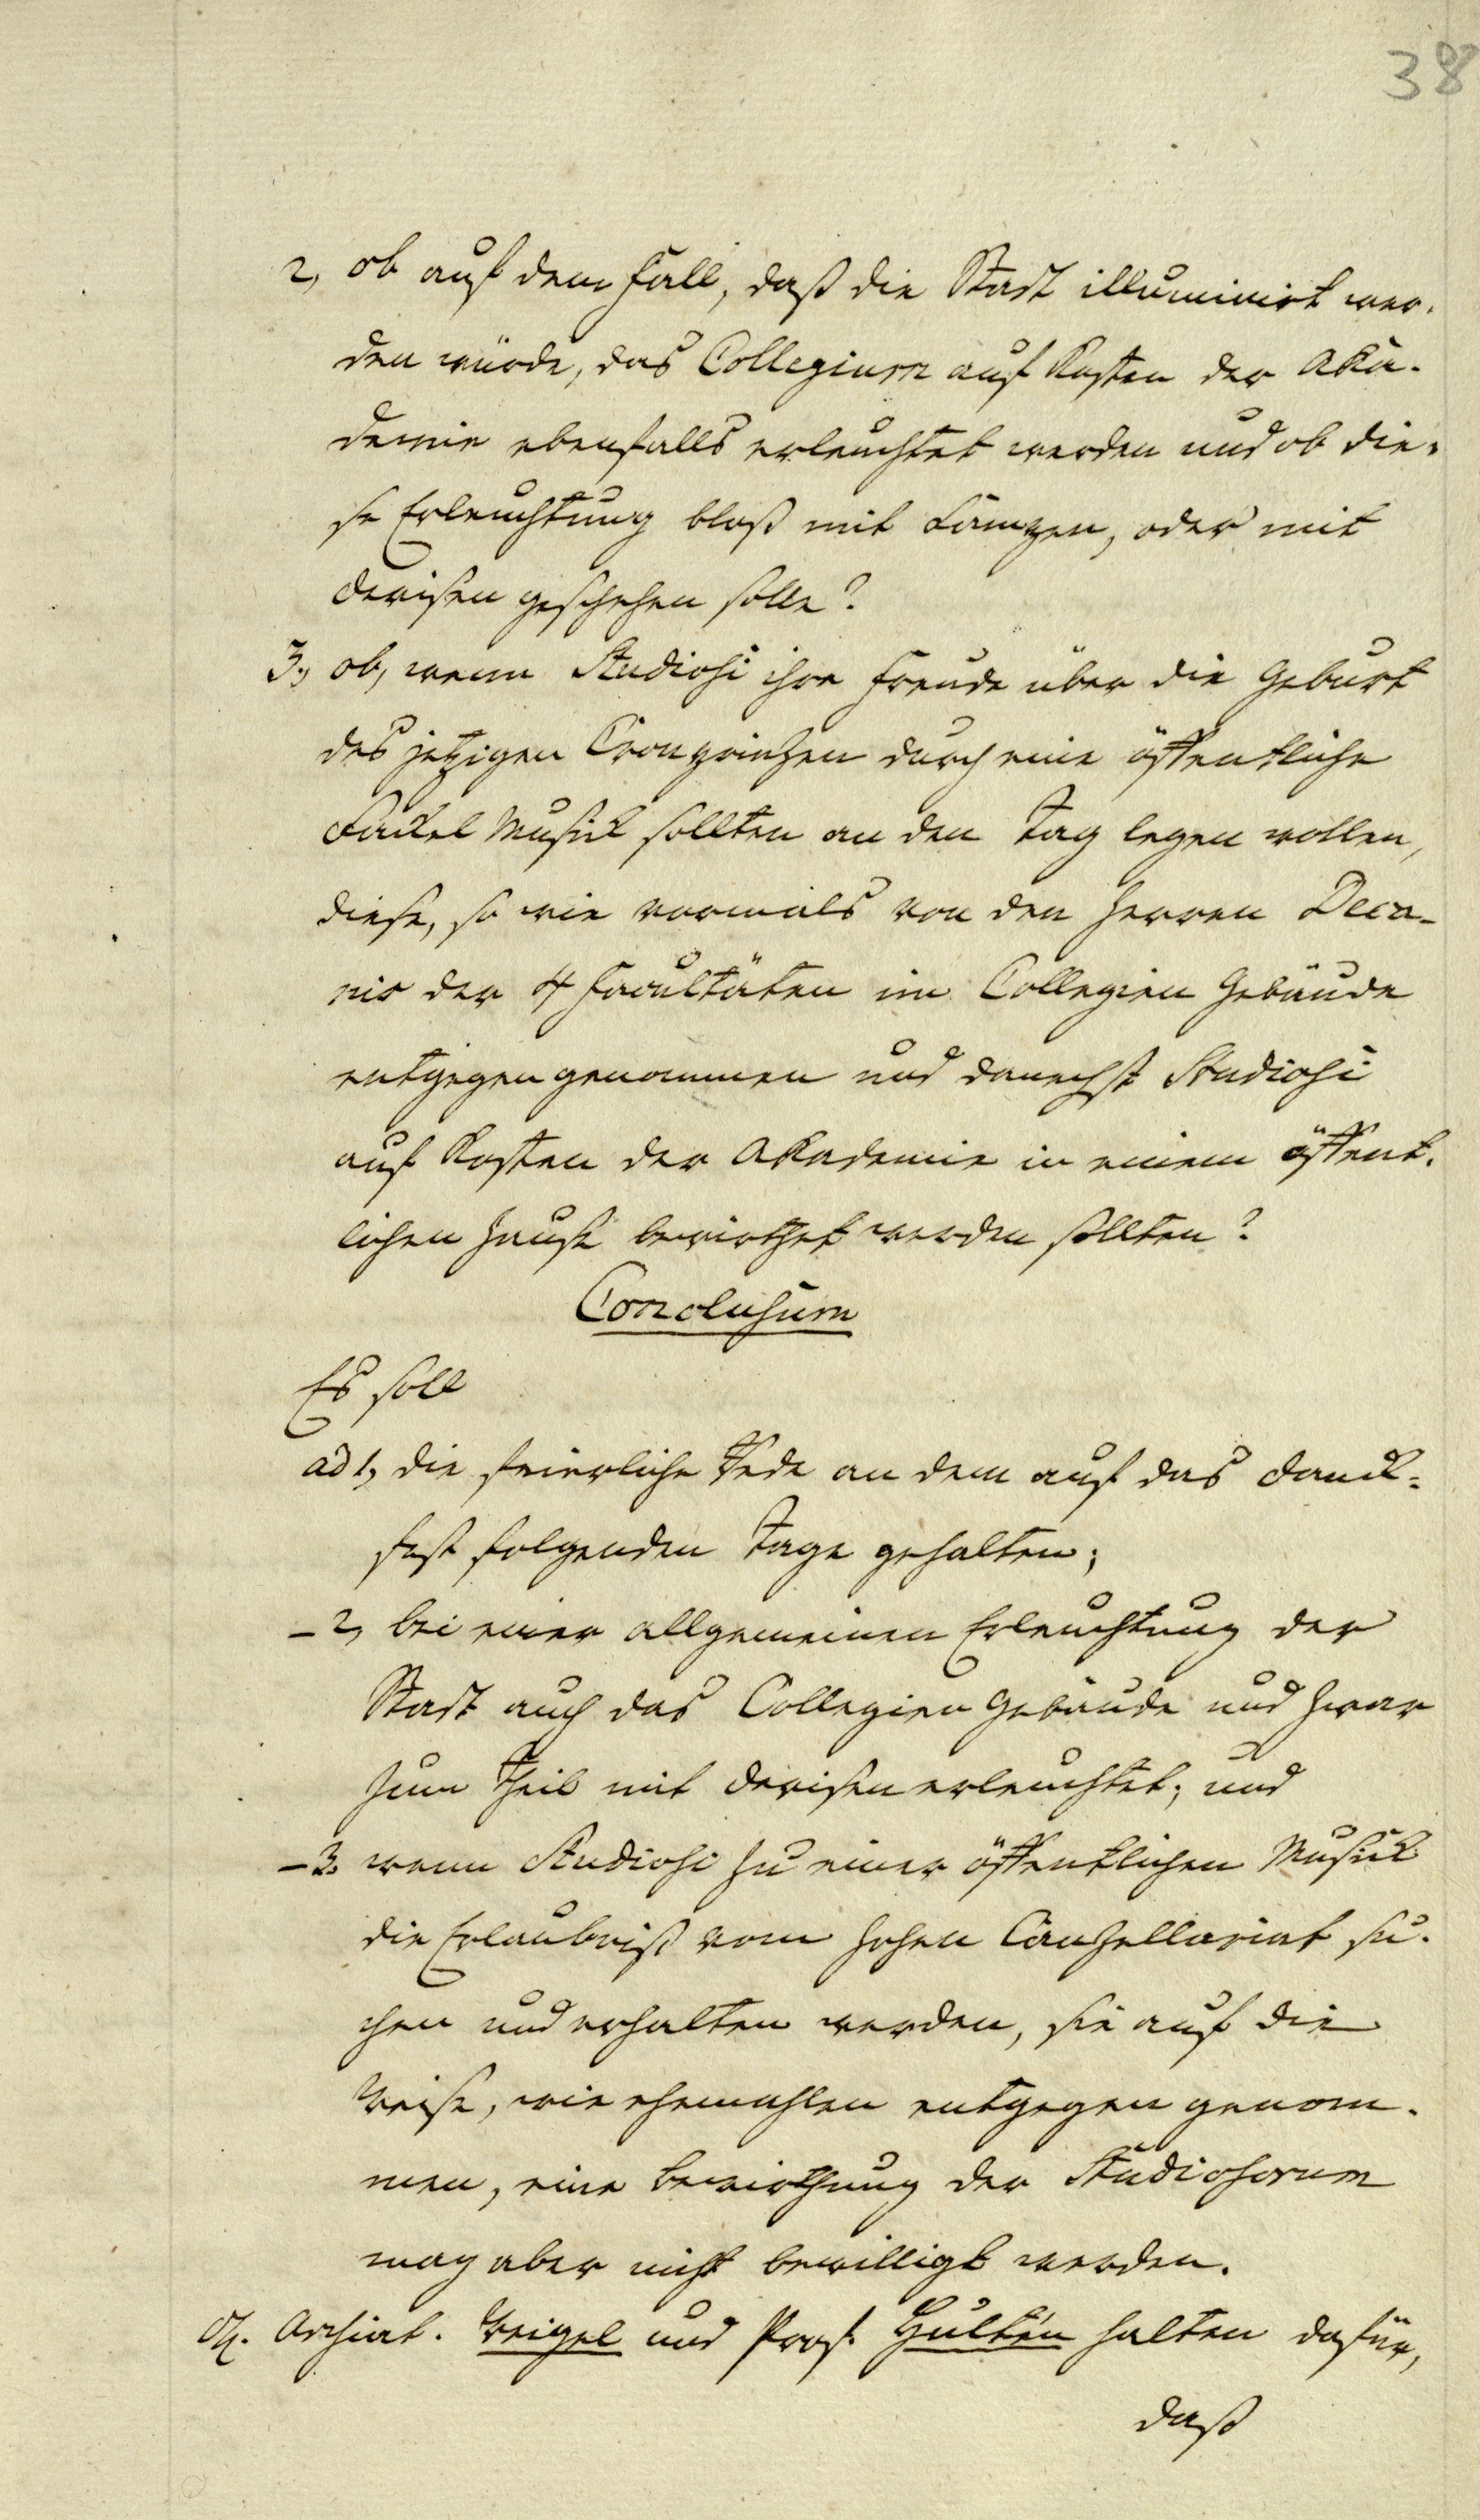2, ob auf dem Fall, daß die Stadt ilumimirt wer
den würde, das Collegium auf Kosten der Aka¬
demie ebenfalls erleuchtet werden und ob die¬
se Erleuchtung bloß mit Lampen, oder mit
Devisen geschehen solle?
3., ob, wenn Studiosi ihre Freude über die Geburt
des jetzigen Cronprinzen durch eine öffentliche
Fackel Musick sollten an den Tag legen wollen,
diese, so wie vormals von den Herren Deca¬
nis der 4 Facultäten im Collegien Gebäude
entgegen genommen und danechst Studiosi
auf Kosten der Akademie in einem öffent¬
lichen Hause bewirthet werden sollten?
Conclusum
Es soll
ad 1, die feierliche Rede an dem auf das Danck¬
fest folgenden Tage gehalten;
2, bei einer allgemeinen Erleuchtung der
Stadt auch das Collegien Gebäude und zwar
zum Theil mit Devisen erleuchtet; und
3. wenn Studiosi zu einer öffentlichen Musick
die Erlaubniß vom hohen Canzellariat su¬
chen und erhalten werden, sie auf die
Weise, wie ehemahlen entgegen genom¬
men, eine Bewirthung der Studiosorum
mag aber nicht bewilligt werden.
dh. Archiat. Weigel, und Prof. Hultén halten dafür,
daß